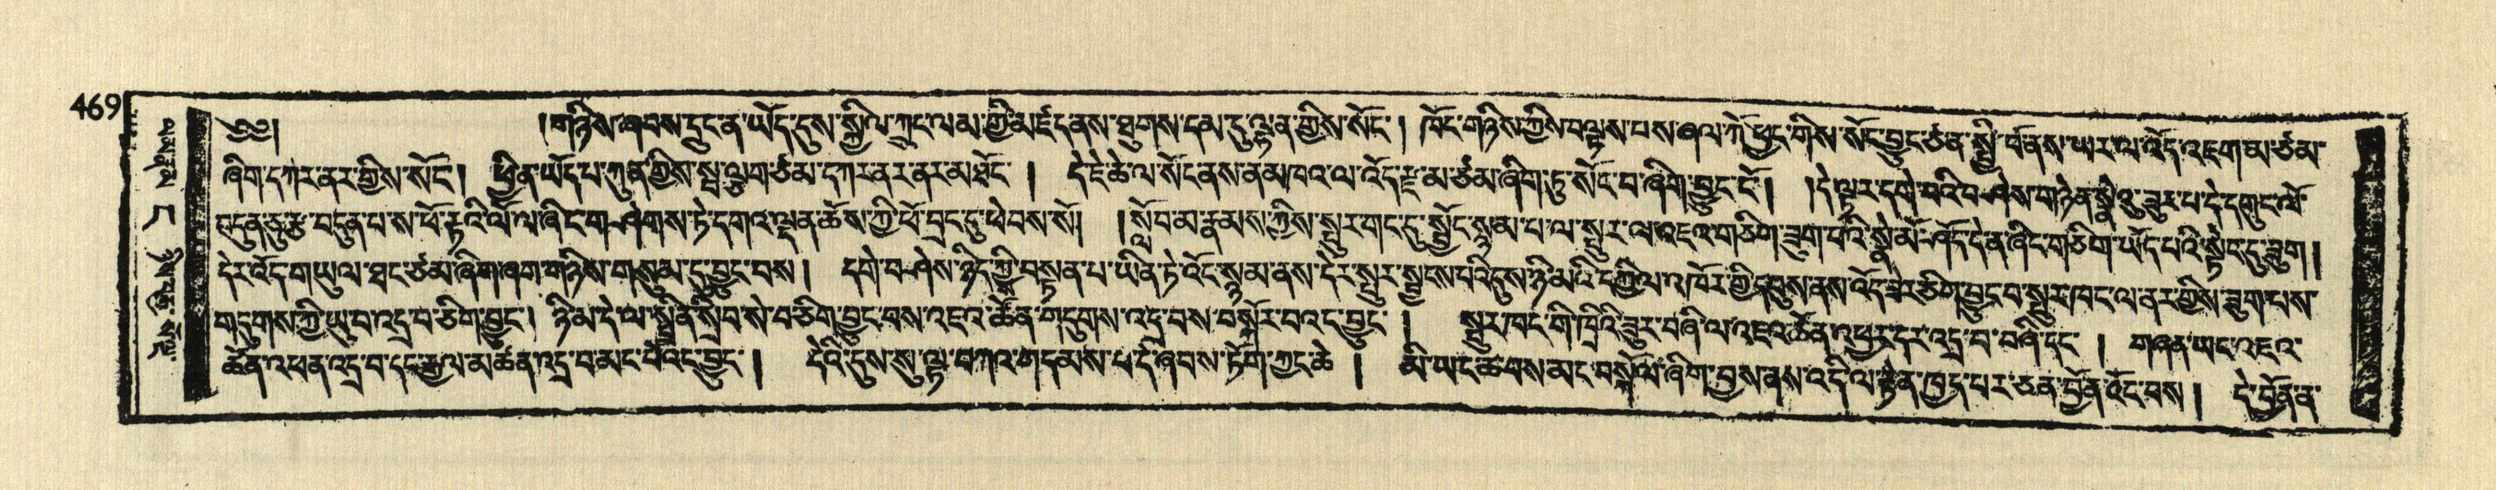༄༅། །གཉིས་ཞབས་དྲུང་ན་ཡོད་དུས་སྐྱིལ་ཀྲུང་ལམ་གྱི་མཛད་ནས་ཐུགས་དམ་དུ་ལྷན་གྱིས་སོང་། ཁོང་གཉིས་ཀྱིས་བལྟས་པས་ཞལ་ཀོ་ཕྱང་གིས་སོང་བྱུང་ཙ་ན་སྤྱི་བོ་ནས་ཡར་ལ་འོད་འཇག་མ་ཙམ་
ཞིག་དཀར་ནར་གྱིས་སོང་། ཕྱིན་ཡོད་པ་ཀུན་གྱིས་སྦ་ལྕག་ཙམ་དཀར་ནར་ནར་མཐོང་། དེ་ཇེ་ཆེ་ལ་སོང་ནས་ནམ་མཁའ་ལ་འོད་རྫ་མ་ཙམ་ཞིག་ཏུ་སོང་བ་ཞིག་བྱུང་ངོ། །དེ་ལྟར་དགེ་བའི་བཤེས་གཉེན་སྣེའུ་ཟུར་པ་དེ་དགུང་ལོ་
བདུན་ཅུ་རྩ་བདུན་པ་ས་ཕོ་རྟའི་ལོ་ལ་ཞིང་གཤེགས་ཏེ་དགའ་ལྡན་ཆོས་ཀྱི་ཕོ་བྲང་དུ་ཕེབས་སོ། །སློབ་མ་རྣམས་ཀྱིས་སྤུར་གང་དུ་སྦྱོང་སྙམ་པ་ལ་སྤུར་ལ་འཇའ་གཅིག་ཟུག་པའི་སྣེ་མོ་ཤོད་དེ་ན་ཞིང་གཅིག་ཡོད་པའི་སྟེང་དུ་ཟུག །
དེར་འོད་གཡུལ་ཐང་ཙམ་ཞིག་ཞག་གཉིས་གསུམ་དུ་བྱུང་བས། དགེ་བཤེས་ཉིད་ཀྱིས་བསྟན་པ་ཡིན་ཏེ་འོང་སྙམ་ནས་དེར་སྤུར་སྦྱངས་པའི་དུས་ཉི་མའི་དཀྱིལ་འཁོར་གྱི་དབུས་ནས་འོད་ཟེར་ཅིག་སྤུར་ཁང་གི་ཁྲིའི་ཟུར་བཞི་ལ་འཇའ་ཚོན་འཕྱར་དར་འདྲ་བ་
གདུགས་ཀྱི་ཡུ་བ་འདྲ་བ་ཅིག་བྱུང་། ཉི་མ་དེ་ལ་སྤྲིན་སྲིབ་སེ་བ་ཅིག་བྱུང་བས་འཇའ་ཚོན་གདུགས་འདྲ་བས་བསྐོར་བའང་བྱུང་། སྤུར་ཁང་གི་ཁྲིའི་ཟུར་བཞི་ལ་འཇའ་ཚོན་འཕྱར་དར་འདྲ་བ་བཞི་དང་། གཞན་ཡང་འཇའ་
ཚོན་འཕན་འདྲ་བ་དང་རྒྱལ་མཚན་འདྲ་བ་མང་པོའང་བྱུང་། དེའི་དུས་སུ་ལྟ་བཀའ་གདམས་པ་དེ་ཞབས་ཏོག་ཀྱང་ཆེ། མི་ཡང་ཆ་བས་མང་བསྐོལ་ཞིག་བྱས་ནས་འདི་ལ་རྟེན་ཁྱད་པར་ཅན་བྱོན་འོང་བས། དེ་བྱོན་ན་